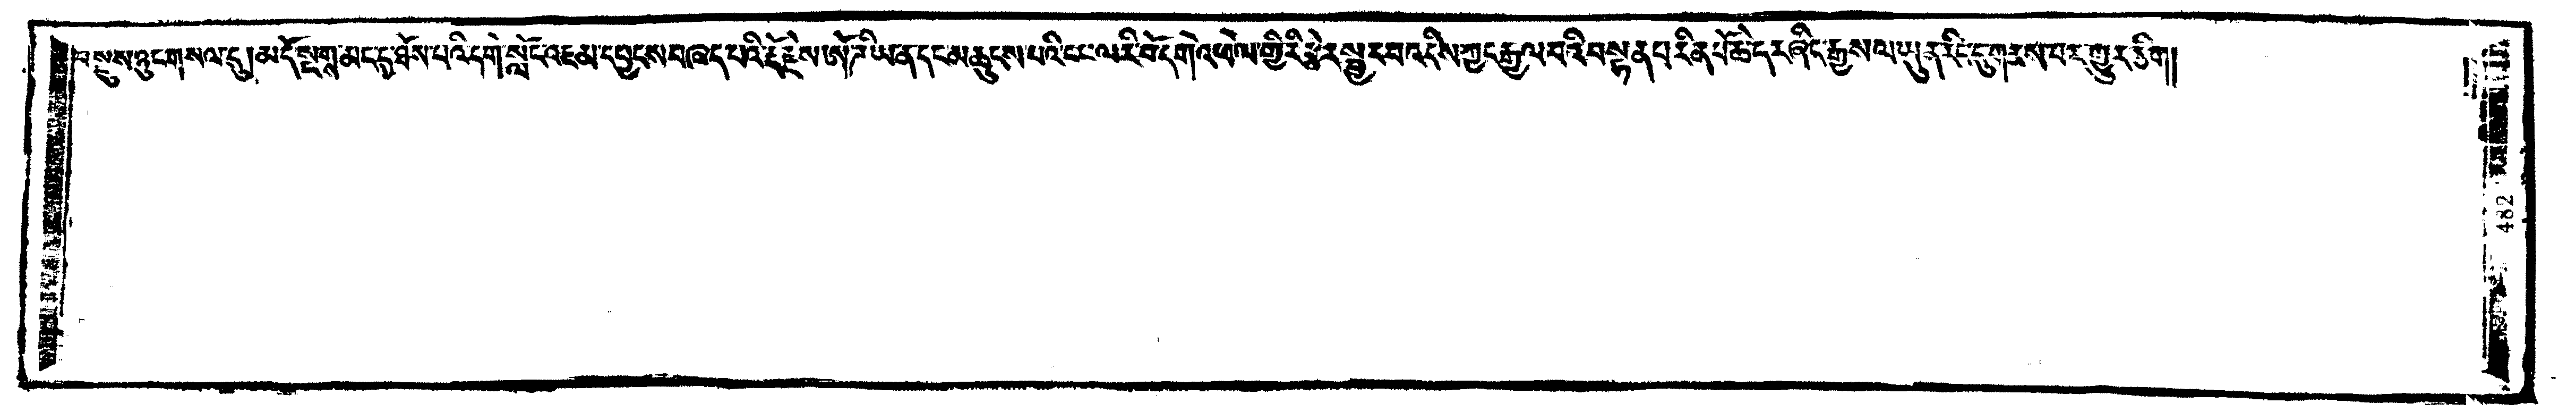བསྡུས་ཉུང་གསལ་དུ། མདོ་སྔགས་མང་དུ་ཐོས་པའི་དགེ་སློང་འཇམ་དབྱངས་བཞད་པའི་རྡོ་རྗེས་ཨོ་ཌི་ཡན་དང་མཆུངས་པའི་ངང་ལ་རི་བོ་དགེ་འཕེལ་གྱི་རི་རྩེར་སྦྱང་བ་འདིས་ཀྱང་རྒྱལ་བའི་བསྟན་པ་རིན་པོ་ཆེ་དར་ཞིང་རྒྱས་ལ་ཡུན་རིང་དུ་གནས་པར་གྱུར་ཅིག།